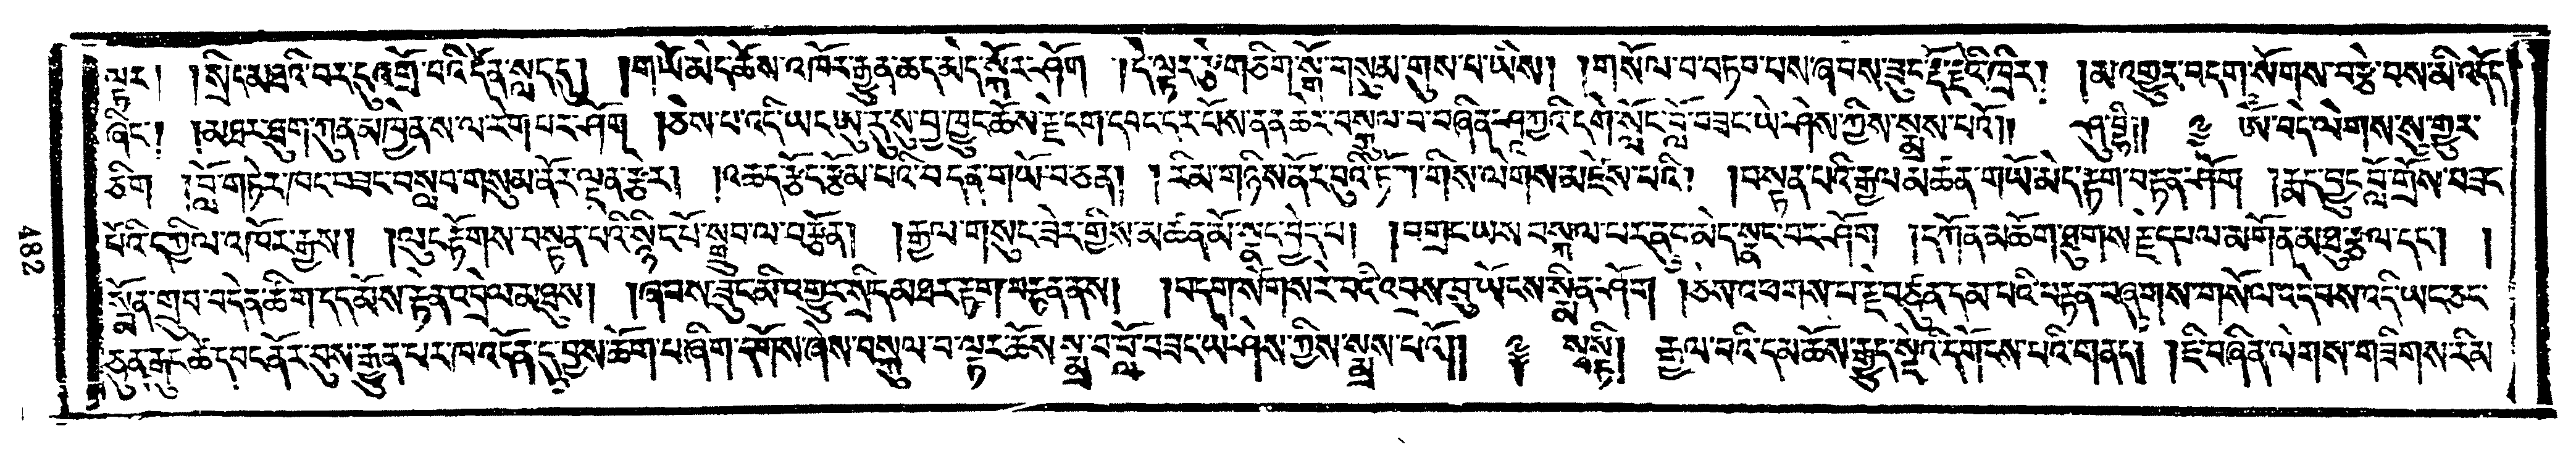ལྟར། །སྲིད་མཐའི་བར་དུ་འགྲོ་བའི་དོན་སླད་དུ། །གཡོ་མེད་ཆོས་འཁོར་རྒྱུན་ཆད་མེད་སྐོར་ཤོག །དེ་ལྟར་རྩེ་གཅིག་སྒོ་གསུམ་གུས་པ་ཡིས། །གསོལ་བ་བཏབ་པས་ཞབས་ཟུང་རྡོ་རྗེའི་ཁྲིར། །མ་འགྱུར་བདག་སོགས་བརྩེ་བས་མི་འདོད་
ཞིང་། །མཐར་ཐུག་ཀུན་མཁྱེན་ས་ལ་རེག་པར་ཤོག །ཅེས་པ་འདི་ཡང་ཨུ་རུ་སུ་བྱ་ཁྱུད་ཆོས་རྗེ་དག་དབང་དར་པོས་ནན་ཆེར་བསྐུལ་བ་བཞིན་ཤཱཀྱའི་དགེ་སློང་བློ་བཟང་ཡེ་ཤེས་ཀྱིས་སྨྲས་པའོ།། ཤུ་བྷི། །༈ ཨོཾ་བདེ་ལེགས་སུ་གྱུར་
ཅིག །བློ་གཏེར་ཁང་བཟང་བསླབ་གསུམ་ནོར་ལྔ་རྩེར། །འཆད་རྩོད་རྩོམ་པའི་བ་དན་གཡོ་བ་ཅན། །རིམ་གཉིས་ནོར་བུའི་ཏོག་གིས་ལེགས་མཛེས་པའི། །བསྟན་པའི་རྒྱལ་མཚན་གཡོ་མེད་རྟག་བརྟན་ཤོག །རྨད་བྱུང་བློ་གྲོས་བཟང་
པོའི་དཀྱིལ་འཁོར་རྒྱས། །ལུང་རྟོགས་བསྟན་པའི་སྙིང་པོ་སྒྲུབ་ལ་བརྩོན། །རྒྱལ་གསུང་ཟེར་གྱིས་མཚན་མོ་སྣང་བྱེད་པ། །བགྲང་ཡས་བསྐལ་པར་ནུབ་མེད་སྣང་བར་ཤོག །དཀོན་མཆོག་ཐུགས་རྗེ་དཔལ་མགོན་མཐུ་རྩལ་དང་། །
སྨོན་གྲུབ་བདེན་ཚིག་དད་མོས་རྟེན་འབྲེལ་མཐུས། །ཞབས་ཟུང་མི་འགྱུར་སྲིད་མཐར་རྟག་བརྟན་ནས། །བདག་སོགས་རེ་བའི་འབྲས་བུ་ཡོངས་སྨིན་ཤོག །ཅེས་འཕགས་པ་རྗེ་བཙུན་དམ་པའི་བརྟན་བཞུགས་གསོལ་འདེབས་འདི་ཡང་ཅང་
ཅུན་རྒུང་ཚེ་དབང་ནོར་བུས་རྒྱུན་པར་ཁ་འདོན་དུ་བྱས་ཆོག་པ་ཞིག་དགོས་ཞེས་བསྐུལ་བ་ལྟར་ཆོས་སྨྲ་བ་བློ་བཟང་ཡེ་ཤེས་ཀྱིས་སྨྲས་པའོ།། ༈སྭསྟི། རྒྱལ་བའི་དམ་ཆོས་རྒྱུད་སྡེའི་དགོངས་པའི་གནད། །ཇི་བཞིན་ལེགས་གཟིགས་རིམ་